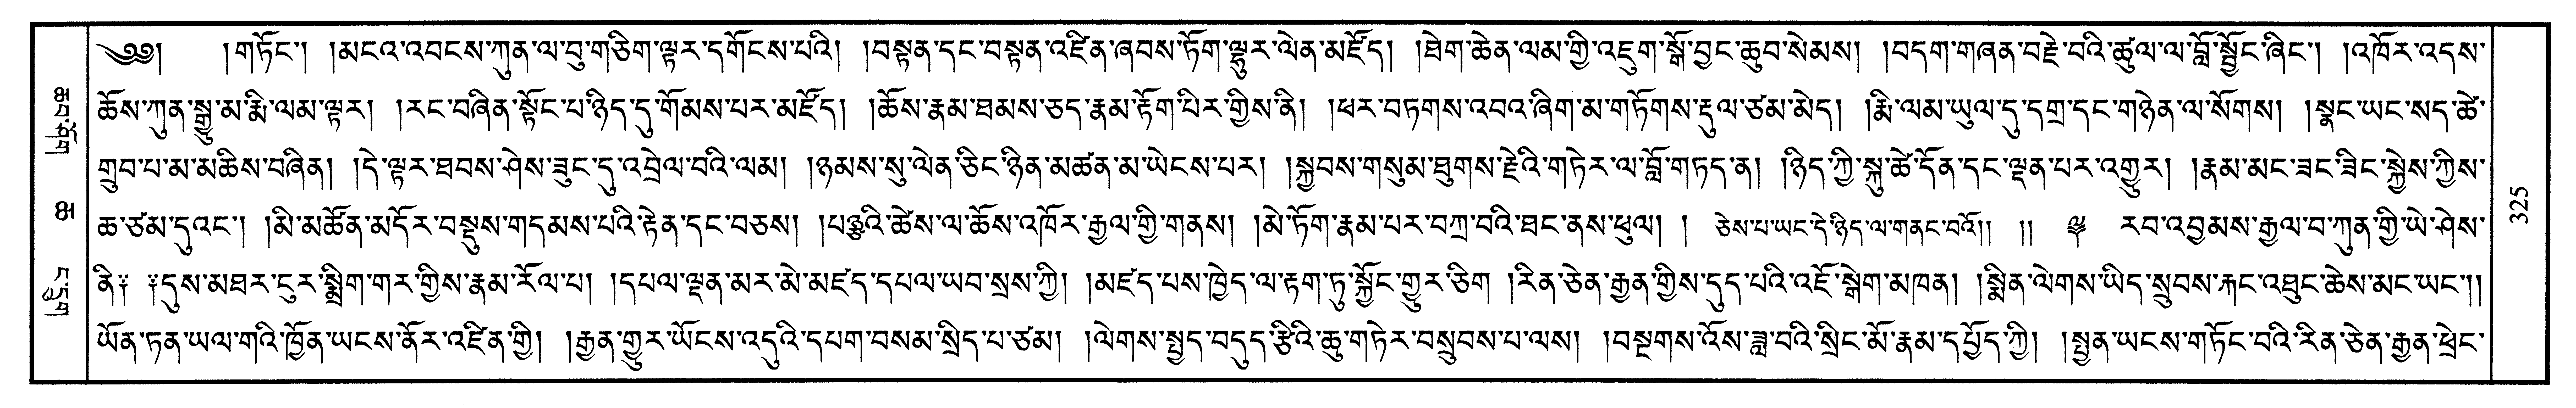༄༅། །གཏོང་། །མངའ་འབངས་ཀུན་ལ་བུ་གཅིག་ལྟར་དགོངས་པའི། །བསྟན་དང་བསྟན་འཛིན་ཞབས་ཏོག་ལྷུར་ལེན་མཛོད། །ཐེག་ཆེན་ལམ་གྱི་འཇུག་སྒོ་བྱང་ཆུབ་སེམས། །བདག་གཞན་བརྗེ་བའི་ཚུལ་ལ་བློ་སྦྱོང་ཞིང་། །འཁོར་འདས་
ཆོས་ཀུན་སྒྱུ་མ་རྨི་ལམ་ལྟར། །རང་བཞིན་སྟོང་པ་ཉིད་དུ་གོམས་པར་མཛོད། །ཆོས་རྣམ་ཐམས་ཅད་རྣམ་རྟོག་པིར་གྱིས་ནི། །ཕར་བཏགས་འབའ་ཞིག་མ་གཏོགས་རྡུལ་ཙམ་མེད། །རྨི་ལམ་ཡུལ་དུ་དགྲ་དང་གཉེན་ལ་སོགས། །སྣང་ཡང་སད་ཚེ་
གྲུབ་པ་མ་མཆིས་བཞིན། །དེ་ལྟར་ཐབས་ཤེས་ཟུང་དུ་འབྲེལ་བའི་ལམ། །ཉམས་སུ་ལེན་ཅིང་ཉིན་མཚན་མ་ཡེངས་པར། །སྐྱབས་གསུམ་ཐུགས་རྗེའི་གཏེར་ལ་བློ་གཏད་ན། །ཉིད་ཀྱི་སྐུ་ཚེ་དོན་དང་ལྡན་པར་འགྱུར། །རྣམ་མང་ཟང་ཟིང་སྐྱེས་ཀྱིས་
ཆ་ཙམ་དུའང་། །མི་མཚོན་མདོར་བསྡུས་གདམས་པའི་རྟེན་དང་བཅས། །པཉྩའི་ཚེས་ལ་ཆོས་འཁོར་རྒྱལ་གྱི་གནས། །མེ་ཏོག་རྣམ་པར་བཀྲ་བའི་ཐང་ནས་ཕུལ། །ཅེས་པ་ཡང་དེ་ཉིད་ལ་གནང་བའོ།། །། ༈ རབ་འབྱམས་རྒྱལ་བ་ཀུན་གྱི་ཡེ་ཤེས་
ནི། །དུས་མཐར་ངུར་སྨྲིག་གར་གྱིས་རྣམ་རོལ་པ། །དཔལ་ལྡན་མར་མེ་མཛད་དཔལ་ཡབ་སྲས་ཀྱི། །མཛད་པས་ཁྱེད་ལ་རྟག་ཏུ་སྐྱོང་གྱུར་ཅིག །རིན་ཅེན་རྒྱན་གྱིས་དུད་པའི་འཇོ་སྒེག་མཁན། །སྨིན་ལེགས་ཡིད་སྲུབས་རྐང་འཐུང་ཆེས་མང་ཡང།།
ཡོན་ཏན་ཡལ་གའི་ཁྱོན་ཡངས་ནོར་འཛིན་གྱི། །རྒྱན་གྱུར་ཡོངས་འདུའི་དཔག་བསམ་སྲིད་པ་ཙམ། །ལེགས་སྤྱད་བདུད་རྩིའི་ཆུ་གཏེར་བསྲུབས་པ་ལས། །བསྔགས་འོས་ཟླ་བའི་སྲིང་མོ་རྣམ་དཔྱོད་ཀྱི། །སྤྱན་ཡངས་གཏོང་བའི་རིན་ཅེན་རྒྱན་ཕྲེང་